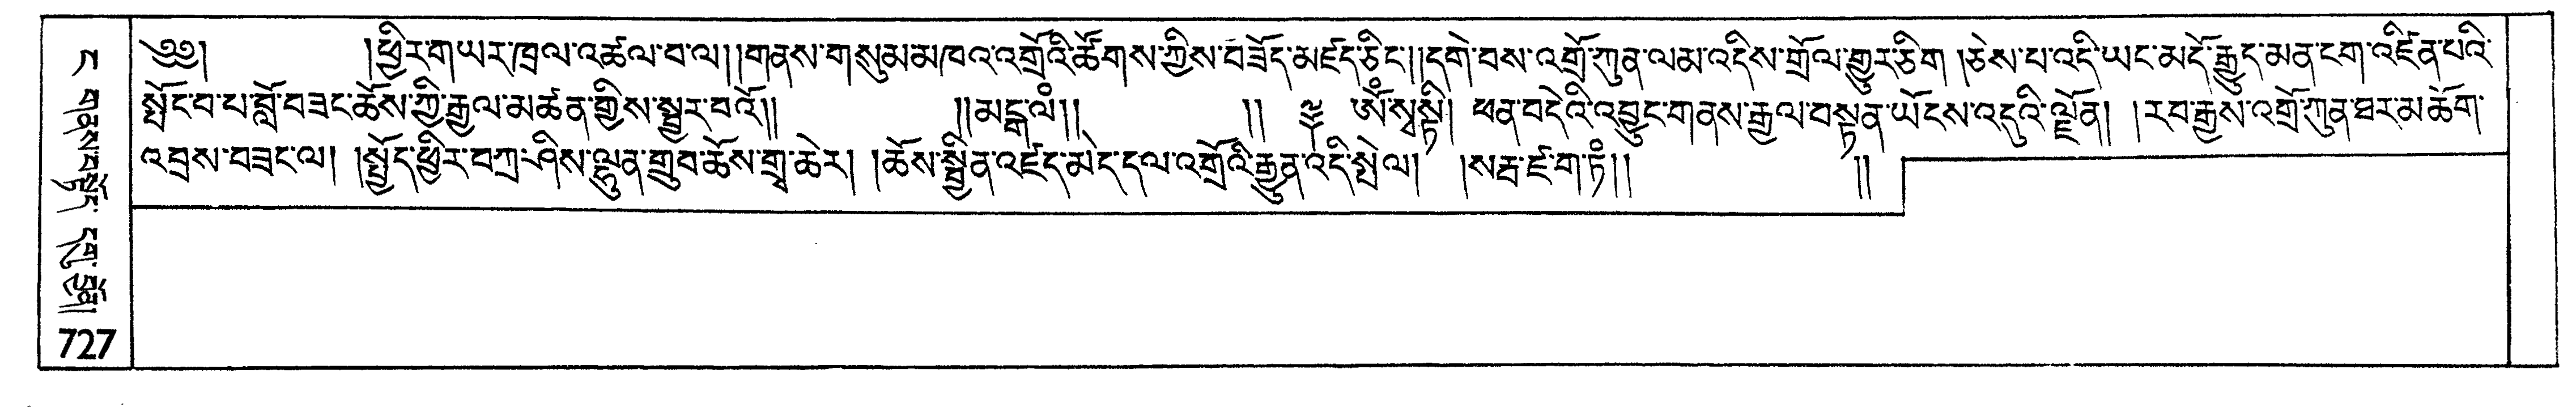༄༅། །ཕྱིར་གཡར་ཁྲལ་འཚལ་བ་ལ། །གནས་གསུམ་མཁའ་འགྲོའི་ཚོགས་ཀྱིས་བཟོད་མཛད་ཅིང་། །དགེ་བས་འགྲོ་ཀུན་ལམ་འདིས་གྲོལ་གྱུར་ཅིག །ཅེས་པ་འདི་ཡང་མདོ་རྒྱུད་མན་ངག་འཛིན་པའི་
སྤོང་བ་པོ་བློ་བཟང་ཆོས་ཀྱི་རྒྱལ་མཚན་གྱིས་སྦྱར་བའོ།། །།མངྒ་ལཾ།། །། ༈ ཨོཾ་སྭ་སྟི། ཕན་བདེའི་འབྱུང་གནས་རྒྱལ་བསྟན་ཡོངས་འདུའི་ལྗོན། །རབ་རྒྱས་འགྲོ་ཀུན་ཐར་མཆོག་
འབྲས་བཟང་ལ། །སྤྱོད་ཕྱིར་བཀྲ་ཤིས་ལྷུན་གྲུབ་ཆོས་གྲྭ་ཆེར། །ཆོས་སྦྱིན་འཛད་མེད་དལ་འགྲོའི་རྒྱུན་འདི་སྤེལ། །སརྦ་ཛ་ག་ཏཾ།། །།